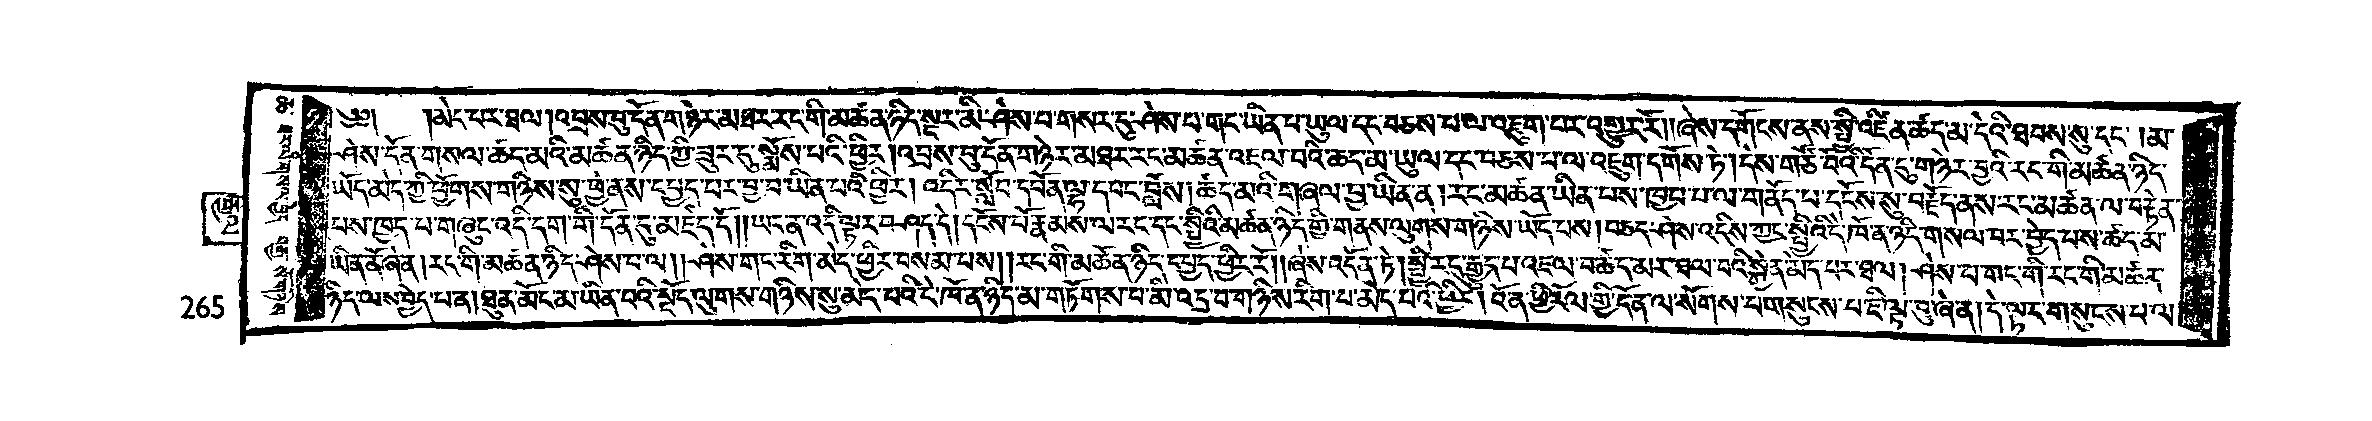༄༅། །མེད་པར་ཐལ། འབྲས་བུ་དོན་གཉེར་མཐར་རང་གི་མཚན་ཉིད་སྔར་མི་ཤེས་པ་གསར་དུ་ཤེས་པ་གང་ཡིན་པ་ཡུལ་དང་བཅས་པ་ལ་འཇུག་པར་འགྱུར་རོ། །ཞེས་དགོངས་ནས་སྤྱི་འཛིན་ཚད་མ་དེའི་ཐབས་སུ་དང་། མ་
ཤེས་དོན་གསལ་ཚད་མའི་མཚན་ཉིད་ཀྱི་ཟུར་དུ་སྨོས་པའི་ཕྱིར། འབྲས་བུ་དོན་གཉེར་མཐར་རང་མཚན་འཇལ་བའི་ཚད་མ་ཡུལ་དང་བཅས་པ་ལ་འཇུག་དགོས་ཏེ། དེས་གཙོ་བོའི་དོན་དུ་གཉེར་བྱའི་རང་གི་མཚན་ཉིད་
ཡོད་མེད་ཀྱི་ཕྱོགས་གཉིས་སུ་ཕྱི་ནས་དཔྱད་པར་བྱ་བ་ཡིན་པའི་ཕྱིར། འདིར་སློབ་དཔོན་ལྷ་དབང་བློས། ཚད་མའི་གཞལ་བྱ་ཡིན་ན། རང་མཚན་ཡིན་པས་ཁྱབ་པ་ལ་གནོད་པ་དངོས་སུ་བརྗོད་ནས་རང་མཚན་ལ་བརྟེན་
པས་ཁྱད་པ་གཞུང་འདི་དག་གི་དོན་དུ་མཛད་དོ། །ཡང་ན་འདི་ལྟར་བཤད་དེ། དངོས་པོ་རྣམས་ལ་རང་དང་སྤྱིའི་མཚན་ཉིད་གྱི་གནས་ལུགས་གཉིས་ཡོད་པས། བཅད་ཤེས་འདིས་ཀྱང་སྤྱིའི་དེ་ཁོ་ན་ཉིད་གསལ་བར་བྱེད་པས་ཚད་མ་
ཡིན་ནོ་ཞེ་ན། རང་གི་མཚན་ཉིད་ཤེས་པ་ལ། །ཤེས་གང་རིག་མེད་ཕྱིར་བསམ་པས། །རང་གི་མཚན་ཉིད་དཔྱད་ཕྱིར་རོ། །ཞེས་འདོན་ཏེ། སྤྱི་རང་རྒྱུད་པ་འཇལ་བ་ཚད་མར་ཐལ་བའི་སྐྱོན་?་མེད་པར་ཐལ། ཤེས་པ་གང་གི་རང་གི་མཚན་
ཉིད་ལས་བྱེད་པ་ན། ཐུན་མོང་མ་ཡིན་པའི་སྡོད་ལུགས་གཉིས་སུ་མེད་པའི་དེ་ཁོ་ན་ཉིད་མ་གཏོགས་པ་མི་འདྲ་བ་གཉིས་རིག་པ་མེད་པའི་ཕྱིར། འོ་ན་ཕྱི་རོལ་གྱི་དོན་ལ་སོགས་པ་གསུངས་པ་ཇི་ལྟ་བུ་ཞེ་ན། དེ་ལྟར་གསུངས་པ་ལ་